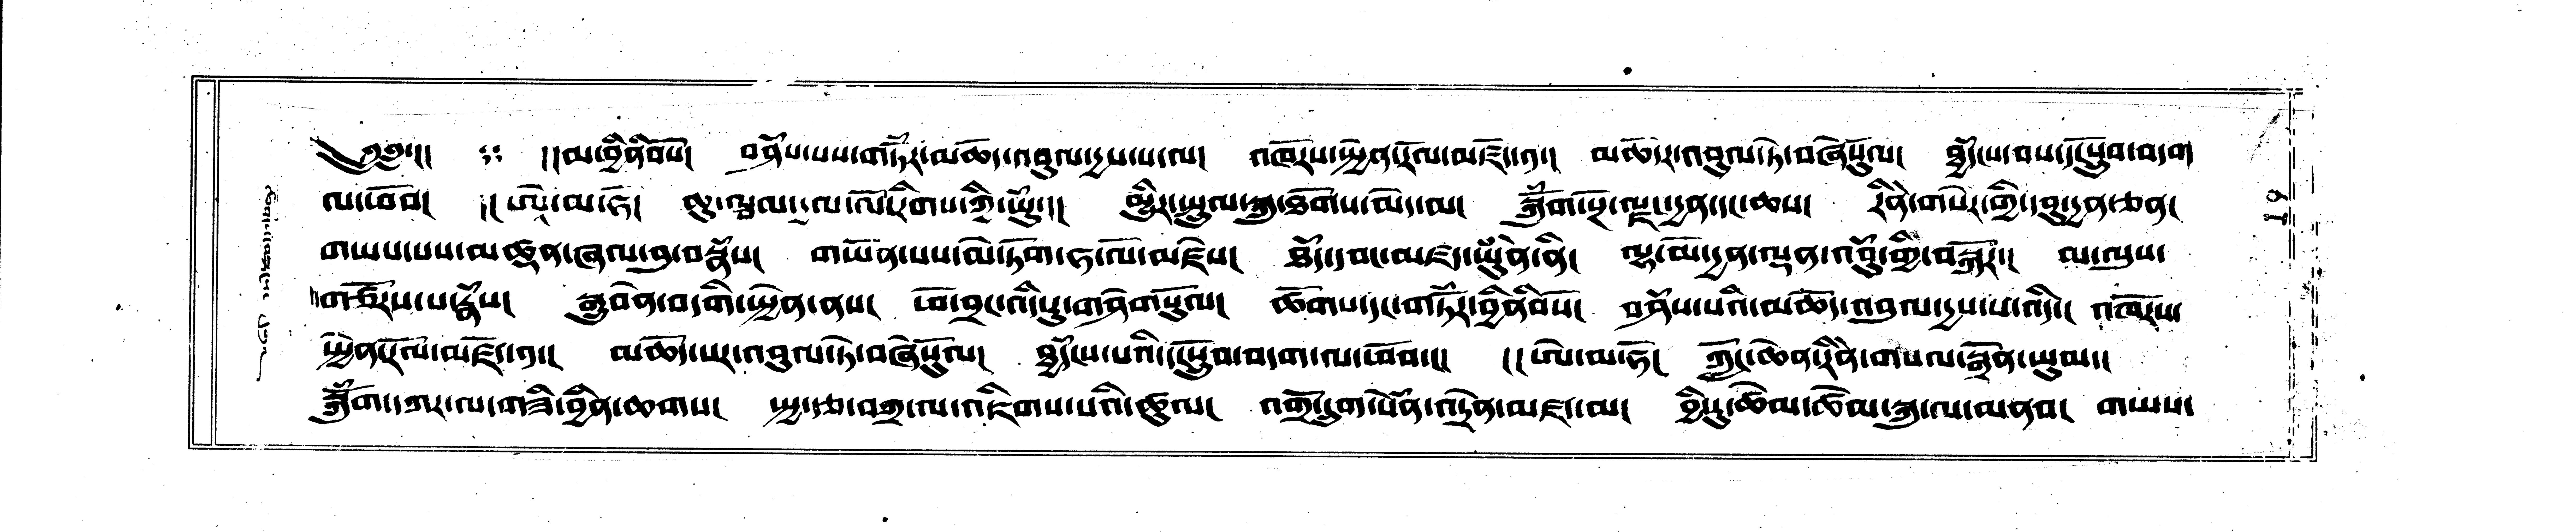མ་བྱིན་གྱིས་རློབས། བཤམས་པས་གཏོར་མ་མཆོད་འབུལ་རྒྱས་པ་ལ། འཁོར་བཅས་སྤྱན་འདྲེན་རོལ་མཛོད་གཅིག མཆོད་པར་འབུལ་ཏེ་བཞེས་སུ་གསོལ། ཐུགས་དམ་བསྐངས་པས་དངོས་གྲུབ་བདག་
ལ་ཕོབ། །།ཨེ་མ་ཧོ། ཆུ་ལྕམ་རྒྱལ་མོ་རིགས་ཀྱི་ཡུམ། མི་འགྱུར་སྤྲུལ་སྐུ་ཐོགས་མེད་མ། སྐུ་མདོག་སྔོ་ལྗང་རྒྱན་དང་ཆས། རིན་ཆེན་གསེར་གྱི་དབུ་རྒྱན་ཅན། 
གཡས་པས་མཚན་ལྡན་ཞལ་བུ་བསྣམས། གཡོན་པས་མེ་ཏོག་ཧ་ལོ་མཛེས། ཐམས་ཅད་དབང་མཛད་ཡུམ་ཆེན་ནི། ལྷ་མོ་རྒྱན་ལྡན་འབུམ་གྱིས་བསྐོར། མ་ལུས་
གཙོ་འཁོར་བཅས་པ་རྣམས། སྒྲུབ་ཆེན་བདག་གིས་སྤྱན་འདྲེན་ནས། ཕོ་བྲང་འདི་རུ་གཤེགས་སུ་གསོལ། ཚོགས་དང་གཏོར་མ་བྱིན་གྱིས་རློབས། བཤམས་པའི་མཆོད་འབུལ་རྒྱས་པ་འདི། འཁོར་བཅས་
སྤྱན་འདྲེན་རོལ་མཛོད་ཅིག མཆོད་པར་འབུལ་ཏེ་བཞེས་སུ་གསོལ། ཐུགས་དམ་བསྐངས་པའི་དངོས་གྲུབ་བདག་ལ་ཕོབ།། །།ཨེ་མ་ཧོ། ཀློང་ཆེན་རིན་ཆེན་གསལ་སྒྲོན་ཡུམ།
 སྐུ་མདོག་དཀར་ལ་གཟི་བྱིན་ཆགས། སྤྱན་རྩ་བཀྲ་ལ་འཇིགས་པའི་ཚུལ། འགྲོ་དྲུག་སེམས་ཅན་འདྲེན་མཛད་མ། བྱི་རུ་ཚེམ་ཚེམ་སྐུ་ལ་མནབ། གཡས་